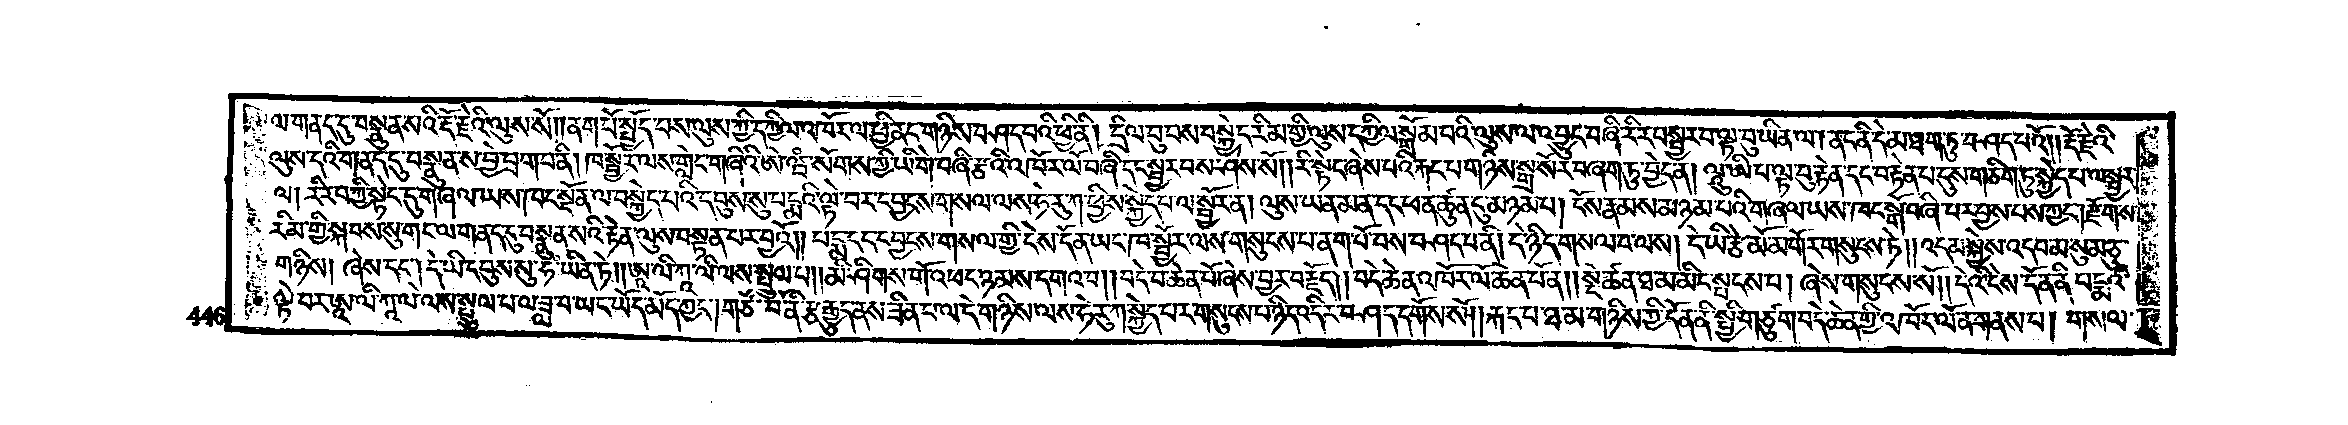ལ་གནད་དུ་བསྣུན་སའི་རྡོ་རྗེའི་ལུས་སོ། །ནག་པོ་སྤྱོད་པས་ལུས་ཀྱི་དཀྱིལ་འཁོར་ལ་ཕྱི་ནང་གཉིས་བཤད་པའི་ཕྱི་ནི། དྲིལ་བུ་པས་བསྐྱེད་རིམ་གྱི་ལུས་དཀྱིལ་སྒོམ་པའི་ལུས་ལ་འབྱུང་བཞི་རི་རབ་སྦྱར་བ་ལྟ་བུ་ཡིན་ལ། ནང་ནི་དེ་མ་ཐག་ཏུ་བཤད་པའོ། །རྡོ་རྗེའི་
ལུས་དེའི་གནད་དུ་བསྣུན་ས་བྱེ་བྲག་པ་ནི། ཁ་སྦྱོར་ལས་གླེང་གཞིའི་ཨེ་ཝཾ་སོགས་ཀྱི་ཡི་གེ་བཞི་རྩའི་འཁོར་ལོ་བཞི་དང་སྦྱར་བས་ཤེས་སོ། །རི་སྟེང་ཞེས་པའི་རྐང་པ་གཉིས་སྒྲ་སོར་བཞག་ཏུ་བྱེད་ན། ལཱུ་ཨི་པ་ལྟ་བུ་རྟེན་དང་བརྟེན་པ་དུས་གཅིག་ཏུ་སྐྱེད་པ་ལ་སྦྱར་
ལ། རི་རབ་ཀྱི་སྟེང་དུ་གཞལ་ཡས་ཁང་སྔོན་ལ་བསྐྱེད་པའི་དབུས་སུ་པདམའི་ལྟེ་བར་དབྱངས་གསལ་ལས་ཧེ་རུ་ཀ་ཕྱིས་སྐྱེད་པ་ལ་སྦྱོར་ན། ལུས་ཡན་མན་དང་ཕན་ཚུན་དུ་མཉམ་པ། ངོས་རྣམས་མཉམ་པའི་གཞལ་ཡས་ཁང་སྒོ་བཞི་པར་བྱས་པས་ཀྱང་། རྫོགས་
རིམ་གྱི་སྐབས་སུ་གང་ལ་གནད་དུ་བསྣུན་སའི་རྟེན་ལུས་བསྟན་པར་བྱའོ། །པདམ་དང་དབྱངས་གསལ་གྱི་ངེས་དོན་ཡང་ཁ་སྦྱོར་ལས་གསུངས་པ་ནག་པོ་པས་བཤད་པ་ནི། དེ་ཉིད་གསལ་བ་ལས། དེ་ཡི་རྩེ་མོ་མགོར་གསུངས་ཏེ། །འདམ་སྐྱེས་འདབ་མ་སུམ་ཅུ་
གཉིས། ཞེས་དང་། དེ་ཡི་དབུས་སུ་ཧཾ་ཡིན་ཏེ། །ཨཱ་ལི་ཀཱ་ལི་ལས་སྤྲུལ་པ། །མི་ཤིགས་གོ་འཕང་ཉམས་དགའ་བ། །བདེ་བ་ཆེན་པོ་ཞེས་བྱར་བརྗོད། །བདེ་ཆེན་འཁོར་ལོ་ཆེན་པོ་ནི། །སྡེ་ཚན་ཐ་མ་མིང་སྤངས་པ། ཞེས་གསུངས་སོ། །དེའི་ངེས་དོན་ནི་པདམའི་
ལྟེ་བར་ཨཱ་ལི་ཀཱ་ལི་ལས་སྤྲུལ་པ་ལ་ཟླ་བ་ཡང་ཡོད་མོད་ཀྱང་། གཙོ་བོ་ནི་རྩ་རྒྱུད་ནས་ཟིན་པ་ལ་དེ་གཉིས་ལས་ཧེ་རུ་ཀ་སྐྱེད་པར་གསུངས་པ་ཉིད་འདིར་བཤད་དགོས་སོ། །རྐང་པ་ཐ་མ་གཉིས་ཀྱི་དོན་ནི་སྤྱི་གཙུག་བདེ་ཆེན་གྱི་འཁོར་ལོ་ན་གནས་པ། གསལ་